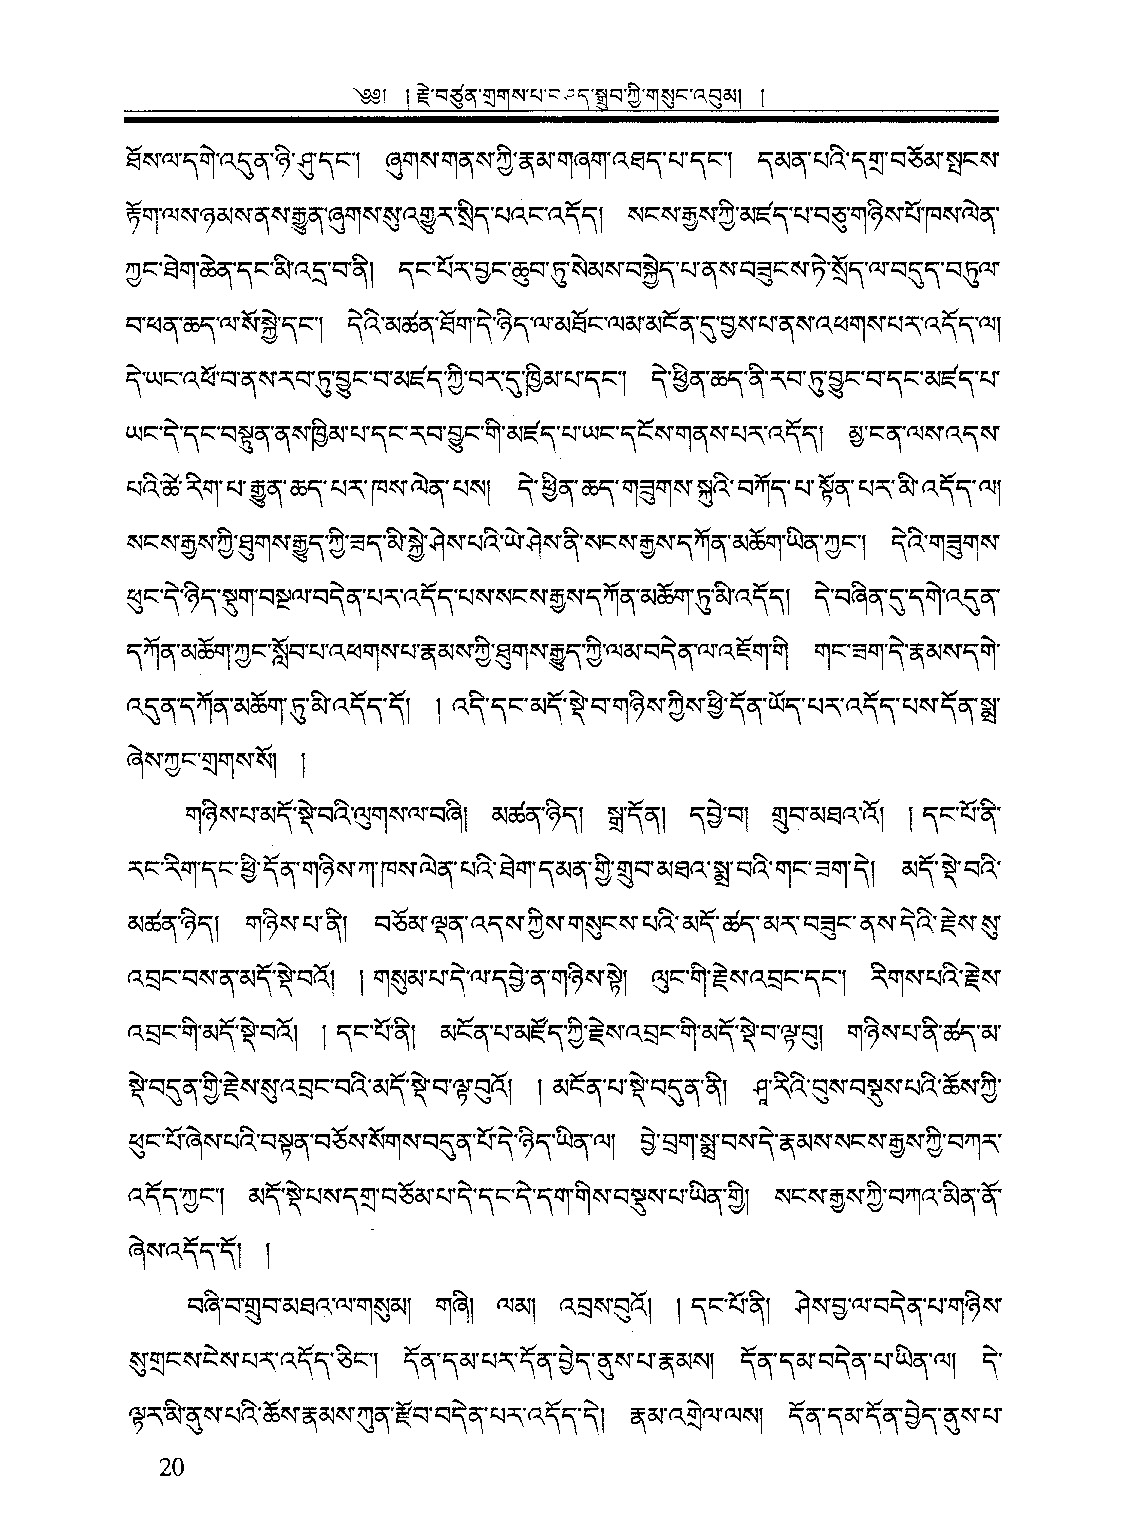ཐོས་ལ་དགེ་འདུན་ཉི་ཤུ་དང་། ཞུགས་གནས་ཀྱི་རྣམ་གཞག་འཐད་པ་དང་། དམན་པའི་དགྲ་བཅོམ་སྤངས་
རྟོག་ལས་ཉམས་ནས་རྒྱུན་ཞུགས་སུ་འགྱུར་སྲིད་པའང་འདོད། སངས་རྒྱས་ཀྱི་མཛད་པ་བཅུ་གཉིས་པོ་ཁས་ལེན་
ཀྱང་ཐེག་ཆེན་དང་མི་འདྲ་བ་ནི། དང་པོར་བྱང་ཆུབ་ཏུ་སེམས་བསྐྱེད་པ་ནས་བཟུངས་ཏེ་སྲོད་ལ་བདུད་བཏུལ་
བ་ཕན་ཆད་ལ་སོ་སྐྱེ་དང་། དེའི་མཚན་ཐོག་དེ་ཉིད་ལ་མཐོང་ལམ་མངོན་དུ་བྱས་པ་ནས་འཕགས་པར་འདོད་ལ།
དེ་ཡང་འཕོ་བ་ནས་རབ་ཏུ་བྱུང་བ་མཛད་ཀྱི་བར་དུ་ཁྱིམ་པ་དང་། དེ་ཕྱིན་ཆད་ནི་རབ་ཏུ་བྱུང་བ་དང་མཛད་པ་
ཡང་དེ་དང་བསྟུན་ནས་ཁྱིམ་པ་དང་རབ་བྱུང་གི་མཛད་པ་ཡང་དངོས་གནས་པར་འདོད། མྱ་ངན་ལས་འདས་
པའི་ཚེ་རིག་པ་རྒྱུན་ཆད་པར་ཁས་ལེན་པས། དེ་ཕྱིན་ཆད་གཟུགས་སྐུའི་བཀོད་པ་སྟོན་པར་མི་འདོད་ལ།
སངས་རྒྱས་ཀྱི་ཐུགས་རྒྱུད་ཀྱི་ཟད་མི་སྐྱེ་ཤེས་པའི་ཡེ་ཤེས་ནི་སངས་རྒྱས་དཀོན་མཆོག་ཡིན་ཀྱང་། དེའི་གཟུགས་
ཕུང་དེ་ཉིད་སྡུག་བསྔལ་བདེན་པར་འདོད་པས་སངས་རྒྱས་དཀོན་མཆོག་ཏུ་མི་འདོད། དེ་བཞིན་དུ་དགེ་འདུན་
དཀོན་མཆོག་ཀྱང་སློབ་པ་འཕགས་པ་རྣམས་ཀྱི་ཐུགས་རྒྱུད་ཀྱི་ལམ་བདེན་ལ་འཇོག་གི་གང་ཟག་དེ་རྣམས་དགེ་
འདུན་དཀོན་མཆོག་ཏུ་མི་འདོད་དོ། །འདི་དང་མདོ་སྡེ་བ་གཉིས་ཀྱིས་ཕྱི་དོན་ཡོད་པར་འདོད་པས་དོན་སྨྲ་
ཞེས་ཀྱང་གྲགས་སོ། །
གཉིས་པ་མདོ་སྡེ་བའི་ལུགས་ལ་བཞི། མཚན་ཉིད། སྒྲ་དོན། དབྱེ་བ། གྲུབ་མཐའ་འོ། །དང་པོ་ནི་
རང་རིག་དང་ཕྱི་དོན་གཉིས་ཀ་ཁས་ལེན་པའི་ཐེག་དམན་གྱི་གྲུབ་མཐའ་སྨྲ་བའི་གང་ཟག་དེ། མདོ་སྡེ་བའི་
མཚན་ཉིད། གཉིས་པ་ནི། བཅོམ་ལྡན་འདས་ཀྱིས་གསུངས་པའི་མདོ་ཚད་མར་བཟུང་ནས་དེའི་རྗེས་སུ་
འབྲང་བས་ན་མདོ་སྡེ་བའོ། །གསུམ་པ་དེ་ལ་དབྱེ་ན་གཉིས་སྟེ། ལུང་གི་རྗེས་འབྲང་དང་། རིགས་པའི་རྗེས་
འབྲང་གི་མདོ་སྡེ་བའོ། །དང་པོ་ནི། མངོན་པ་མཛོད་ཀྱི་རྗེས་འབྲང་གི་མདོ་སྡེ་བ་ལྟ་བུ། གཉིས་པ་ནི་ཚད་མ་
སྡེ་བདུན་གྱི་རྗེས་སུ་འབྲང་བའི་མདོ་སྡེ་བ་ལྟ་བུའོ། །མངོན་པ་སྡེ་བདུན་ནི། ཤཱ་རིའི་བུས་བསྡུས་པའི་ཆོས་ཀྱི་
ཕུང་པོ་ཞེས་པའི་བསྟན་བཅོས་སོགས་བདུན་པོ་དེ་ཉིད་ཡིན་ལ། བྱེ་བྲག་སྨྲ་བས་དེ་རྣམས་སངས་རྒྱས་ཀྱི་བཀར་
འདོད་ཀྱང་། མདོ་སྡེ་པས་དགྲ་བཅོམ་པ་དེ་དང་དེ་དག་གིས་བསྡུས་པ་ཡིན་གྱི། སངས་རྒྱས་ཀྱི་བཀའ་མིན་ནོ་
ཞེས་འདོད་དོ། །
བཞི་བ་གྲུབ་མཐའ་ལ་གསུམ། གཞི། ལམ། འབྲས་བུའོ། །དང་པོ་ནི། ཤེས་བྱ་ལ་བདེན་པ་གཉིས་
སུ་གྲངས་ངེས་པར་འདོད་ཅིང་། དོན་དམ་པར་དོན་བྱེད་ནུས་པ་རྣམས། དོན་དམ་བདེན་པ་ཡིན་ལ། དེ་
ལྟར་མི་ནུས་པའི་ཆོས་རྣམས་ཀུན་རྫོབ་བདེན་པར་འདོད་དེ། རྣམ་འགྲེལ་ལས། དོན་དམ་དོན་བྱེད་ནུས་པ་